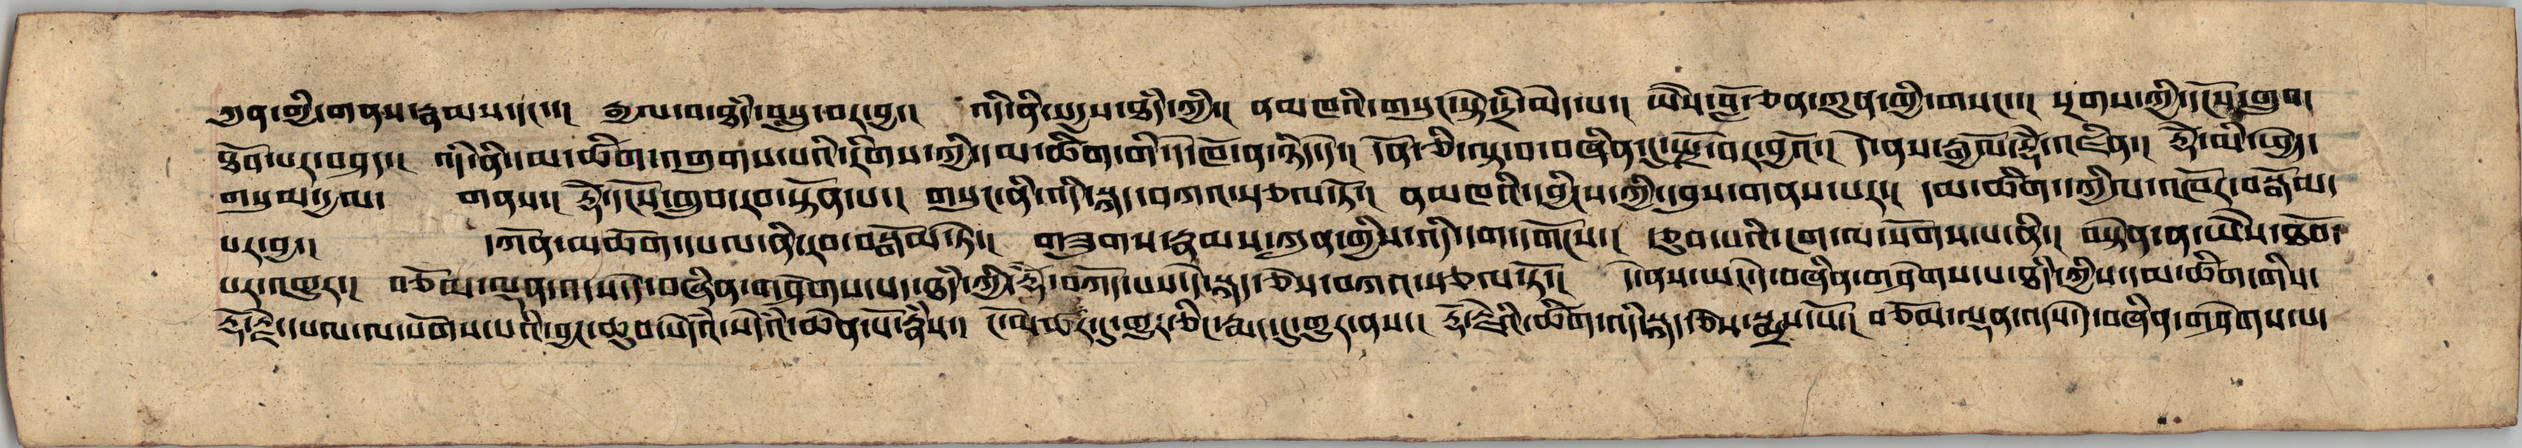ཀུན་གྱི་གནས་རྣམས་དང་་། རྒྱལ་བ་ཐཾད་བསླུ་བར་བྱ་། འདི་ནི་སདྱས་ཐཾད་ཀྱི་། ནམཁའི་གསུང་སྟེ་དྲི་མེད་པ་། ཡཻས་བློ་ཅན་ཀུན་གྱི་གསང་་། སྔགས་ཀྱི་དངོས་གྲུབ་
ཐོབ་པར་བཤད་། འདི་ནི་དམ་ཚིག་འགུགས་པའི་རིགས་ཀྱི་དམ་ཚིག་གི་དེ་ཁོ་ན་ཉིད་དེ་། དོན་ཅི་ལྟ་བ་བཞིན་དུ་སྤྲོ་བར་བྱའོ་། དེ་ནས་རྒྱལོ་རྡོེ་འཛིན་། རྡོེ་མི་ཕྱེད་
གསུམ་དྱལ་ གནས་། རྡོེ་དངོས་གྲུབ་རབ་སྟོན་པ་། གསུང་ནི་འདི་སྐད་བཀའ་སྩལ་ཏོ་། ནམཁའི་དབྱིངས་ཀྱི་དབུས་གནས་པར་། དམ་ཚིག་དཀྱིལ་འཁོར་བསྒོམ་
པར་བྱ་། དཀོན་མཆོག་དཔལ་ནི་རབ་བསྒོམ་ཏེ་། གཟུགས་རྣམས་ཀུན་གྱིས་འདི་དག་དགོངས་། རྩུབ་པའི་ངག་ལ་སོགས་པ་ནི་། བསྟེན་ན་ཡཻས་ཐོབ་
པར་འགྱུར་། བཅོམ་ལྡན་འདས་དེ་བཞིན་གཤེགས་པ་ཐཾད་ཀྱི་རྡོེ་བཀོད་པས་དེ་སྐད་ཅེས་བཀའ་སྩལ་ཏོ་། དེ་ནས་ཡང་དེ་བཞིན་གཤེགས་པ་ཐཾད་ཀྱིས་དམ་ཚིག་གིས་
རྡོ་རྗེ་དཔལ་ལ་སོགས་པའི་བྱང་ཆུབ་སེདཾའ་སེདཾའ་ཆེན་པོ་རྣཾས་། ངོ་མཚར་དུ་གྱུར་ཅིང་རྨད་དུ་གྱུར་ནས་། རྡོ་རྗེའི་ཚིག་འདི་སྐད་ཅེས་སྨྲས་སོ་། བཅོམ་ལྡན་འདས་དེ་བཞིན་གཤེགས་པ་